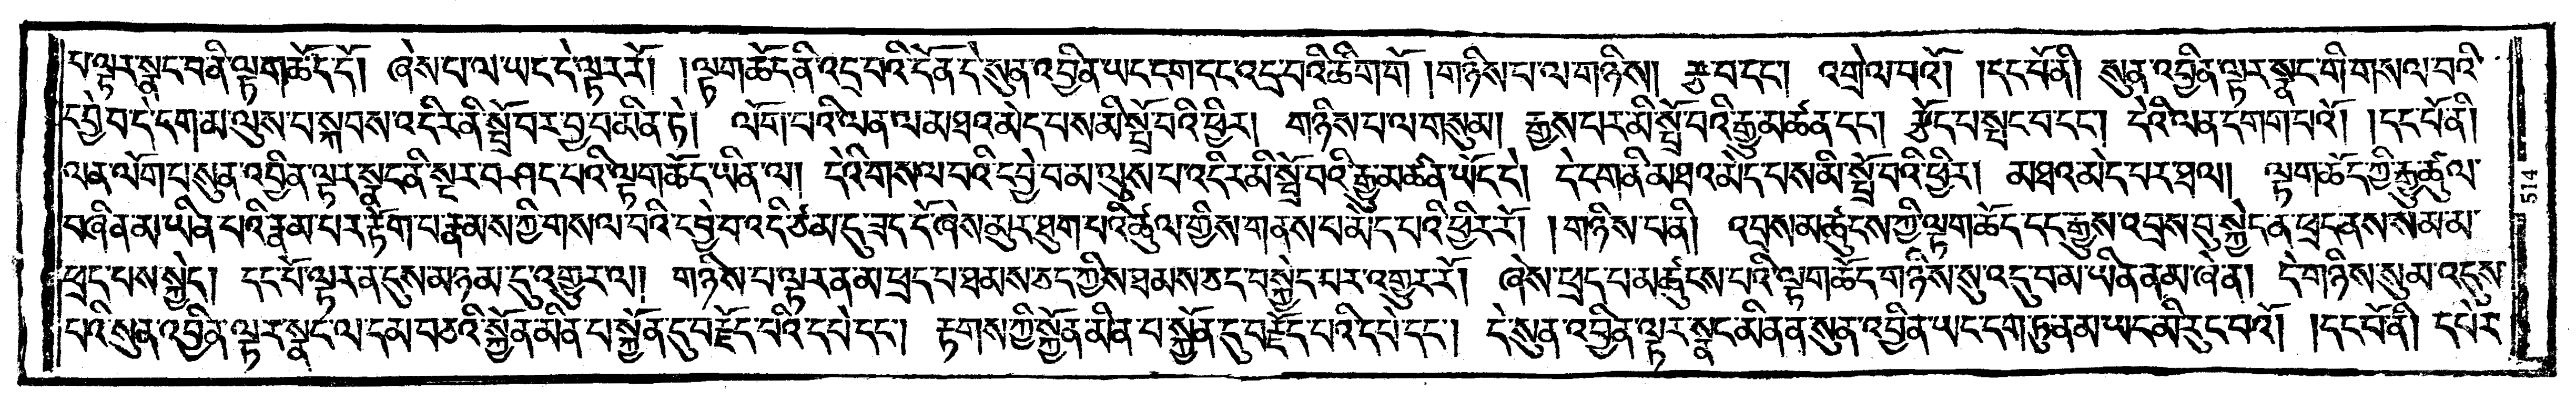པ་ལྟར་སྣང་བ་ནི་ལྟག་ཆོ་ད་དོ། ཞེས་པ་ལ་ཡང་དེ་ལྟར་རོ། །ལྟག་ཆོད་ནི་འདྲ་བའི་དོན་དེ་སུན་འབྱིན་ཡང་དག་དང་འདྲ་བའི་ཚིག་གོ །གཉིས་པ་ལ་གཉིས། རྩ་བ་དང་། འགྲེལ་བའོ། །དང་པོ་ནི། སུན་འབྱིན་ལྟར་སྣང་གི་གསལ་བའི་
དབྱེ་བ་དེ་དག་མ་ལུས་པ་སྐབས་འདིར་ནི་སྤྲོ་བར་བྱ་བ་མིན་ཏེ། ལོག་པའི་ལན་ལ་མཐའ་མེད་པས་མི་སྤྲོ་བའི་ཕྱིར། གཉིས་པ་ལ་གསུམ། རྒྱས་པར་མི་སྤྲོ་བའི་རྒྱུ་མཚན་དང་། རྩོད་པ་སྤང་བ་དང་། དེའི་ལན་དགག་པའོ། །དང་པོ་ནི།
ལན་ལོག་པ་སུན་འབྱིན་ལྟར་སྣང་ནི་སྔར་བཤད་པའི་ལྟག་ཆོད་ཡིན་ལ། དེའི་གསལ་བའི་དབྱེ་བ་མ་ལུས་པ་འདིར་མི་སྦྲོ་བའི་རྒྱུ་མཚན་ཡོད་དེ། དེ་དག་ནི་མཐའ་མེད་པས་མི་སྤྲོ་བའི་ཕྱིར། མཐའ་མེད་པར་ཐལ། ལྟག་ཆོད་ཀྱི་རྒྱུ་ཚུལ་
བཞིན་མ་ཡིན་པའི་རྣམ་པར་རྟོག་པ་རྣམས་ཀྱི་གསལ་བའི་དབྱེ་བ་འདི་ཙམ་དུ་ཟད་དོ་ཞེས་མུར་ཐུག་པའི་ཚུལ་གྱིས་གནས་པ་མེད་པའི་ཕྱིར་རོ། །གཉིས་པ་ནི། འབྲས་མཚུངས་ཀྱི་ལྟར་ཆོད་དང་རྒྱུས་འབྲས་བུ་སྐྱེད་ན་ཕྲད་ནས་སམ་མ་
ཕྲད་པས་སྐྱེད། དང་པོ་ལྟར་ན་དུས་མཉམ་དུ་འགྱུར་ལ། གཉིས་པ་ལྟར་ན་མ་ཕྲད་པ་ཐམས་ཅད་ཀྱིས་ཐམས་ཅད་བསྐྱེད་པར་འགྱུར་རོ། ཞེས་ཕྲད་པ་མཚུངས་པའི་ལྟག་ཆོད་གཉིས་སུ་འདུ་བ་མ་ཡིན་ནམ་ཞེ་ན། དེ་གཉིས་སུམ་འདུས་
པའི་སུན་འབྱིན་ལྟར་སྣང་ལ་དམ་བཅའི་སྐྱོན་མིན་པ་སྐྱོན་དུ་བརྗོད་པའི་དཔེ་དང་། རྟགས་ཀྱི་སྐྱོན་མིན་པ་སྐྱོན་དུ་བརྗོད་པའི་དཔེ་དང་། དེ་སུན་འབྱིན་ལྟར་སྣང་མིན་ན་སུན་འབྱིན་ཡང་དག་ཏུ་ནམ་ཡང་མི་རུང་བའོ། །དང་པོ་ནི། དཔེར་